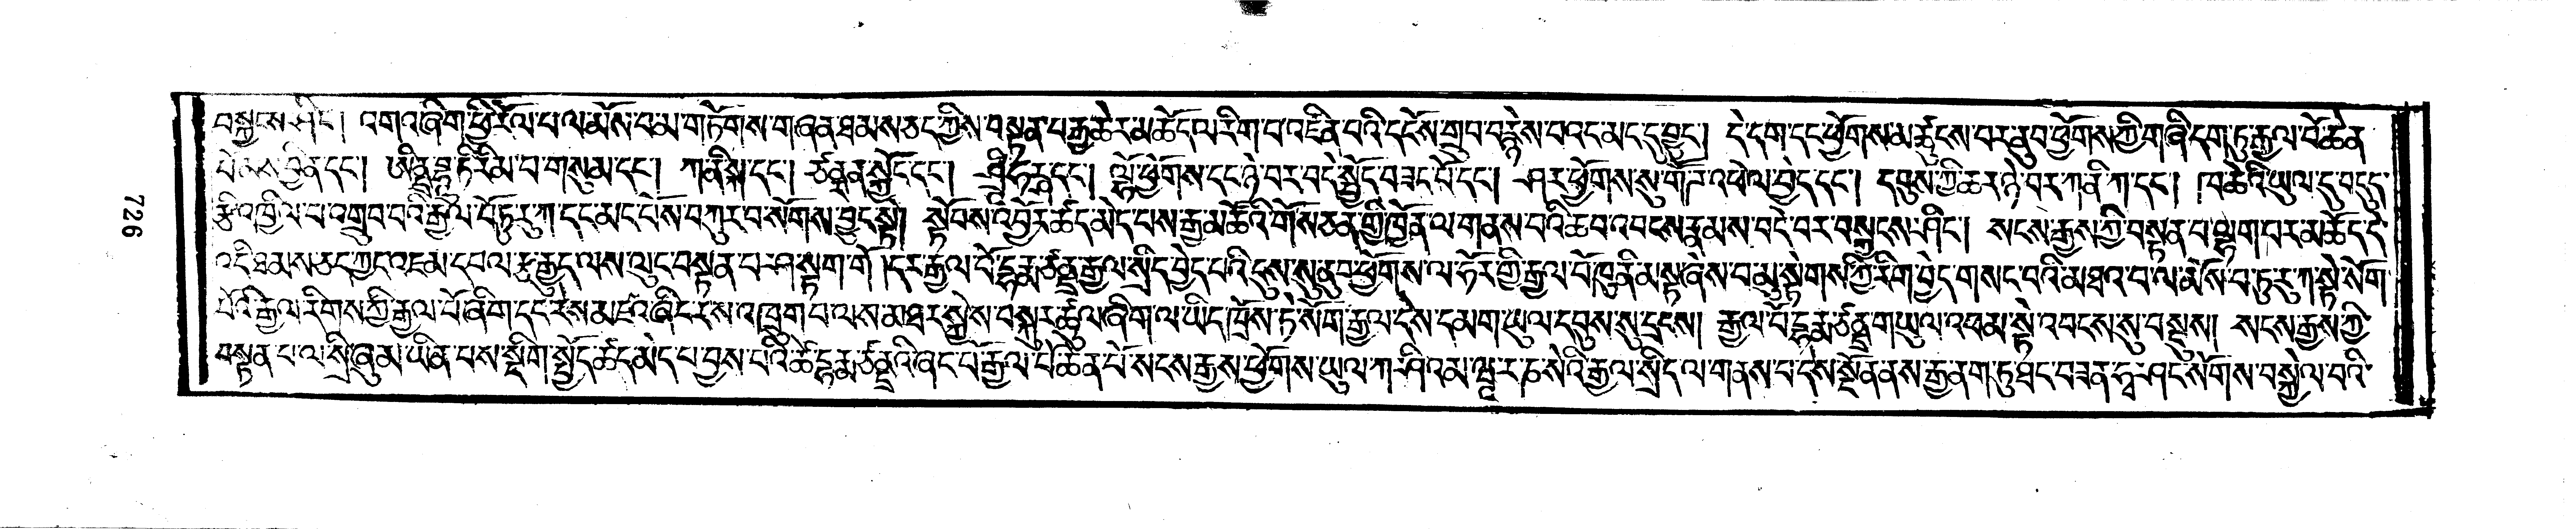བསྐྱངས་ཤིང་། འགའ་ཞིག་ཕྱི་རོལ་པ་ལ་མོས་བ་མ་གཏོགས་གཞན་ཐམས་ཅད་ཀྱིས་བསྟན་པ་རྒྱ་ཆེར་མཆོད་ལ་རིག་པ་འཛིན་པའི་དངོས་གྲུབ་བརྙེས་པའང་མང་དུ་བྱུང་། དེ་དག་དང་ཕྱོགས་མཚུངས་པར་ནུབ་ཕྱོགས་ཀྱི་གཞི་དག་ཏུ་རྒྱལ་པོ་ཆེན་
པོ་མས་བྱིན་དང་། ཨིནྡྲ་བྷཱུ་ཏི་རིམ་པ་གསུམ་དང་། ཀ་ནི་སྐ་དང་། ཙནྲན་སྐྱོང་དང་། ཤྲཱི་ཧརྴ་དང་། ལྷོ་ཕྱོགས་དང་ཉེ་བར་བདེ་སྤྱོད་བཟང་པོ་དང་། ཤར་ཕྱོགས་སུ་གཽ་ཌ་འཕེལ་བྱེད་དང་། དབུས་ཀྱི་ཆར་ཉེ་བར་ཀ་ནི་ཀ་དང་། ཁ་ཆེའི་ཡུལ་དུ་བདུད་
རྩི་འཁྱིལ་པ་འགྲུབ་པའི་རྒྱལ་པོ་ཏུ་རུ་ཀ་དང་མང་པོས་བཀུར་བ་སོགས་བྱུང་སྟེ། སྟོབས་འབྱོར་ཚད་མེད་པས་རྒྱ་མཚོའི་གོས་ཅན་གྱི་ཁྱོན་ལ་གནས་བའི་ཆབ་འབངས་རྣམས་བདེ་བར་བསྐྱངས་ཤིང་། སངས་རྒྱས་ཀྱི་བསྟན་པ་ལྷག་པར་མཆོད་དེ་
འདི་ཐམས་ཅད་ཀྱང་འཇམ་དཔལ་རྩ་རྒྱུད་ལས་ལུང་བསྟན་པ་ཤ་སྟག་གོ །དར་རྒྱལ་བོ་དྷརྨ་ཙནྡྲ་རྒྱལ་སྲིད་བྱེད་པའི་དུས་སུ་ནུབ་ཕྱོགས་ལ་ཧོར་གྱི་རྒྱལ་པོ་ཁུ་ནི་མསྟ་ཞེས་བ་མུ་སྟེགས་ཀྱི་རིག་བྱེད་གསང་བའི་མཐའ་བ་ལ་མོས་བ་ཏུ་རུ་ཀ་སྟེ་སོག་
པོའི་རྒྱལ་རིགས་ཀྱི་རྒྱལ་པོ་ཞིག་དང་རེས་མཛའ་ཞིང་རས་འཁྲུག་པ་ལས་མཐར་སྐྱེས་བསྐུར་ཚུལ་ཞིག་ལ་ཡིད་ཁྲོས་ཏེ་སོག་རྒྱལ་དེས་དམག་ཡུལ་དབུས་སུ་དྲངས། རྒྱལ་པོ་དྷརྨ་ཙནྡྲ་གཡུལ་འཕམ་སྟེ་འབངས་སུ་བསྡུས། སངས་རྒྱས་ཀྱི་
བསྟན་པ་ལ་སྲི་ཞུ་མ་ཡིན་པས་སྡིག་སྤྱོད་ཚད་མེད་པ་བྱས་པའི་ཚེ་དྷརྨ་ཙནྡྲའི་ཞང་པོ་རྒྱལ་པོ་ཆེན་པོ་སངས་རྒྱས་ཕྱོགས་ཡུལ་ཀ་ཤིའམ་ཝཱ་ར་ཎ་སེའི་རྒྱལ་སྲིད་ལ་གནས་པ་དེས་སྔོན་ནས་རྒྱ་ནག་ཏུ་ཐང་བཟན་ཧྭ་ཤང་སོགས་བསྐྱེལ་བའི་